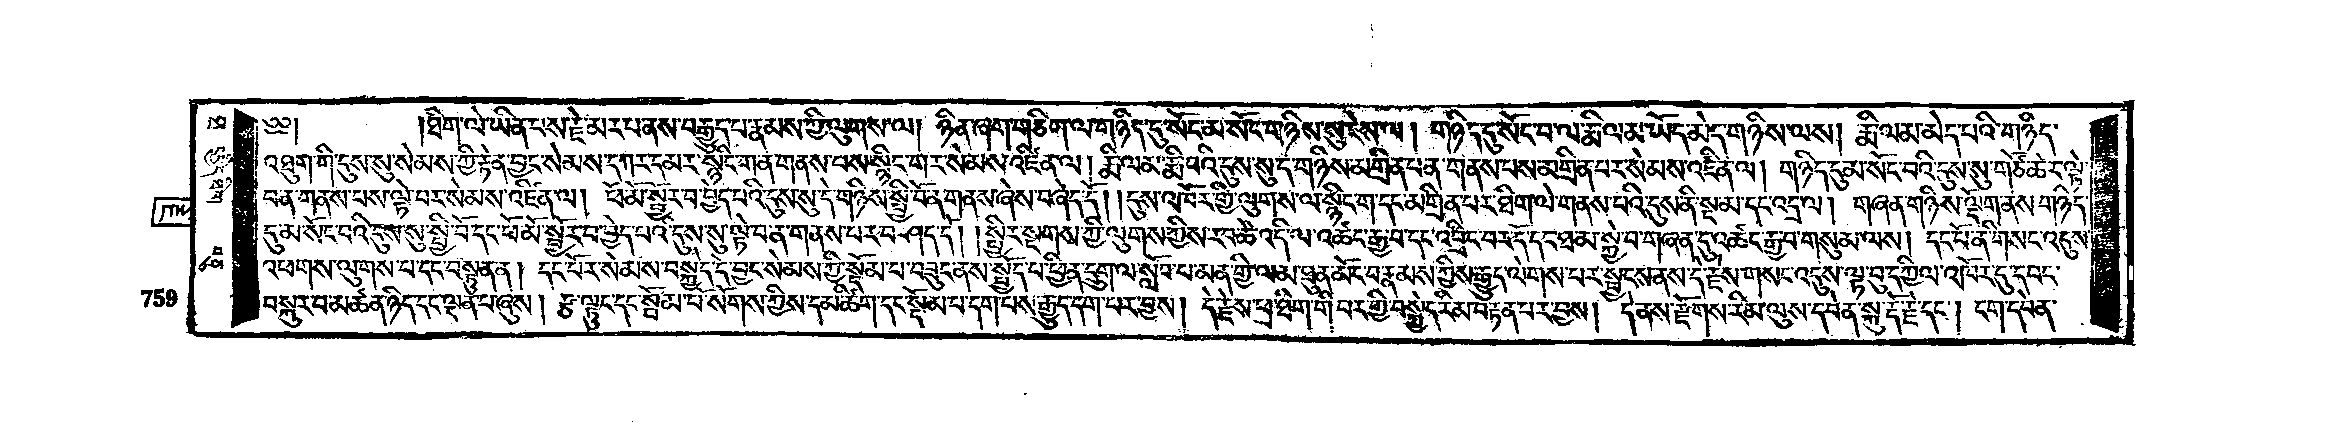༄༅། །ཐིག་ལེ་ཡིན་པས་རྗེ་མར་པ་ནས་བརྒྱུད་པ་རྣམས་ཀྱི་ལུགས་ལ། ཉིན་ཞག་གཅིག་ལ་གཉིད་དུ་སོང་མ་སོང་གཉིས་སུ་ངེས་ལ། གཉིད་དུ་སོང་བ་ལ་རྨི་ལམ་ཡོད་མེད་གཉིས་ལས། རྨི་ལམ་མེད་པའི་གཉིད་
འཐུག་གི་དུས་སུ་སེམས་ཀྱི་རྟེན་བྱང་སེམས་དཀར་དམར་སྙིང་ག་ན་གནས་པས་སྙིང་གར་སེམས་འཛིན་ལ། རྨི་ལམ་རྨི་བའི་དུས་སུ་དེ་གཉིས་མགྲིན་པ་ན་གནས་པས་མགྲིན་པར་སེམས་འཛིན་ལ། གཉིད་དུ་མ་སོང་བའི་དུས་སུ་གཙོ་ཆེར་ལྟེ་
བ་ན་གནས་པས་ལྟེ་བར་སེམས་འཛིན་ལ། ཕོ་མོ་སྦྱོར་བ་བྱེད་པའི་དུས་སུ་དེ་གཉིས་སྤྱི་བོ་ན་གནས་ཞེས་བཞེད་དོ། །དུས་འཁོར་གྱི་ལུགས་ལ་སྙིང་ག་དང་མགྲིན་པར་ཐིག་ལེ་གནས་པའི་དུས་ནི་སྔ་མ་དང་འདྲ་ལ། གཞན་གཉིས་ལྡོག་ནས་གཉིད་
དུ་མ་སོང་བའི་དུས་སུ་སྤྱི་བོ་དང་ཕོ་མོ་སྦྱོར་བ་བྱེད་པའི་དུས་སུ་ལྟེ་བ་ན་གནས་པར་བཤད་དོ། །སྤྱིར་སྔགས་ཀྱི་ལུགས་ཀྱིས་རབ་ཚེ་འདི་ལ་འཚང་རྒྱ་བ་དང་འབྲིང་བར་དོ་དང་ཐ་མ་སྐྱེ་བ་གཞན་དུ་འཚང་རྒྱ་བ་གསུམ་ལས། དང་པོ་ནི་གསང་འདུས་
འཕགས་ལུགས་པ་དང་བསྟུན་ན། དང་པོར་སེམས་བསྐྱེད་དེ་བྱང་སེམས་ཀྱི་སྡོམ་པ་བཟུང་ནས་སྤྱོད་པ་ཕྱིན་དྲུག་ལ་སློབ་པ་མན་གྱི་ལམ་ཐུན་མོང་བ་རྣམས་ཀྱིས་རྒྱུད་ལེགས་པར་སྦྱངས་ནས་དེ་རྗེས་གསང་འདུས་ལྟ་བུ་དཀྱིལ་འཁོར་དུ་དབང་
བསྐུར་བ་མཚན་ཉིད་དང་ལྡན་པ་ཞུས། རྩ་ལྟུང་དང་སྦོམ་པོ་སོགས་ཀྱིས་དམ་ཚིག་དང་སྡོམ་པ་དག་པས་རྒྱུད་དག་པར་བྱས། དེ་རྗེས་ཕྲ་ཐིག་གི་བར་གྱི་བསྐྱེད་རིམ་བརྟན་པར་བྱས། དེ་ནས་རྫོགས་རིམ་ལུས་དབེན་སྐུ་རྡོ་རྗེ་དང་། ངག་དབེན་